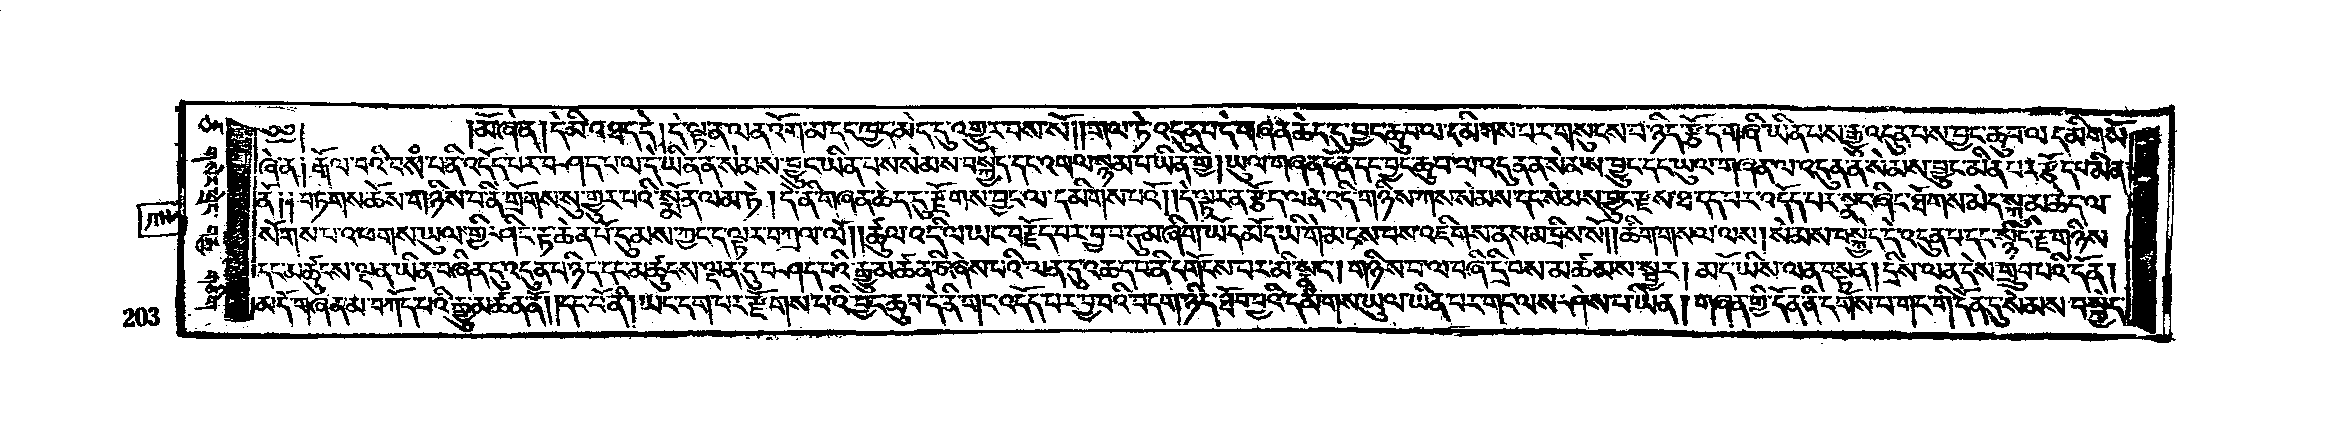༄༅། །མོ་ཞེ་ན། དེ་མི་འཐད་དེ། དེ་ལྟ་ན་ལན་འོག་མ་དང་ཁྱད་མེད་དུ་འགྱུར་བས་སོ། །གལ་ཏེ་འདུན་པ་དེ་གཞན་ཆེད་དུ་བྱང་ཆུབ་ལ་དམིགས་པར་གསུངས་པ་ཉིད་རྩོད་གཞི་ཡིན་པས་རྒྱུ་འདུན་པས་བྱང་ཆུབ་ལ་དམིགས་སོ་
ཞེ་ན། རྒོལ་བའི་བསམ་པ་ནི་འདོད་པར་བཤད་པ་ལ་དེ་ཡིན་ན་སེམས་བྱུང་ཡིན་པས་སེམས་བསྐྱེད་དང་འགལ་སྙམ་པ་ཡིན་གྱི། ཡུལ་གཞན་དོན་དང་བྱང་ཆུབ་ལ་འདུན་ན་སེམས་བྱུང་དང་ཡུལ་གཞན་ལ་འདུན་ན་སེམས་བྱུང་མིན་པར་རྩོད་པ་མིན་
ནོ། །བཏགས་ཆོས་གཉིས་པ་ནི་གྲོགས་སུ་གྱུར་པའི་སྨོན་ལམ་ཏེ། དེ་ནི་གཞན་ཆེད་དུ་རྫོགས་བྱང་ལ་དམིགས་པའོ། །དེ་ལྟར་ན་རྩོད་ལན་འདི་གཉིས་ཀས་སེམས་དང་སེམས་བྱུང་རྫས་ཐ་དད་པར་འདོད་པར་སྣང་ཞིང་ཐོགས་མེད་སྐུ་མཆེད་ལ་
སོགས་པ་འཕགས་ཡུལ་གྱི་ཤིང་རྟ་ཆེན་པོ་དུ་མས་ཀྱང་ད་ལྟར་བཀྲལ་ལོ། །ཚུལ་འདི་ལ་ཡང་བརྗོད་པར་བྱ་བ་དུ་མ་ཞིག་ཡོད་མོད་ཡི་གེ་མངས་པས་འཇིགས་ནས་མ་བྲིས་སོ། །ཚིག་གསལ་ལས། སེམས་བསྐྱེད་དེ་འདུན་པ་དང་སྙིང་རྗེ་གཉིས་
དང་མཚུངས་ལྡན་ཡིན་བཞིན་དུ་འདུན་པ་ཉིད་དང་མཚུངས་ལྡན་དུ་བཤད་པའི་རྒྱུ་མཚན་ཅི་ཞེས་པའི་ལན་དུ་འཆད་པ་ནི་དགོངས་པར་མི་སྣང་། གཉིས་པ་ལ་བཞི་དྲི་བས་མཚམས་སྦྱར། མདོ་ཡིས་ལན་བསྟན། དྲིས་ལན་དེས་གྲུབ་པའི་དོན།
མདོ་གཞན་མ་བཀོད་པའི་རྒྱུ་མཚན་ནོ། །དང་པོ་ནི། ཡང་དག་པར་རྫོགས་པའི་བྱང་ཆུབ་དེ་ནི་གང་འདོད་པར་བྱ་བའི་བདག་ཉིད་ཐོབ་བྱའི་དམིགས་ཡུལ་ཡིན་པར་གང་ལས་ཤེས་པ་ཡིན། གཞན་གྱི་དོན་ནི་དགོས་པ་གང་གི་དོན་དུ་སེམས་བསྐྱེད་